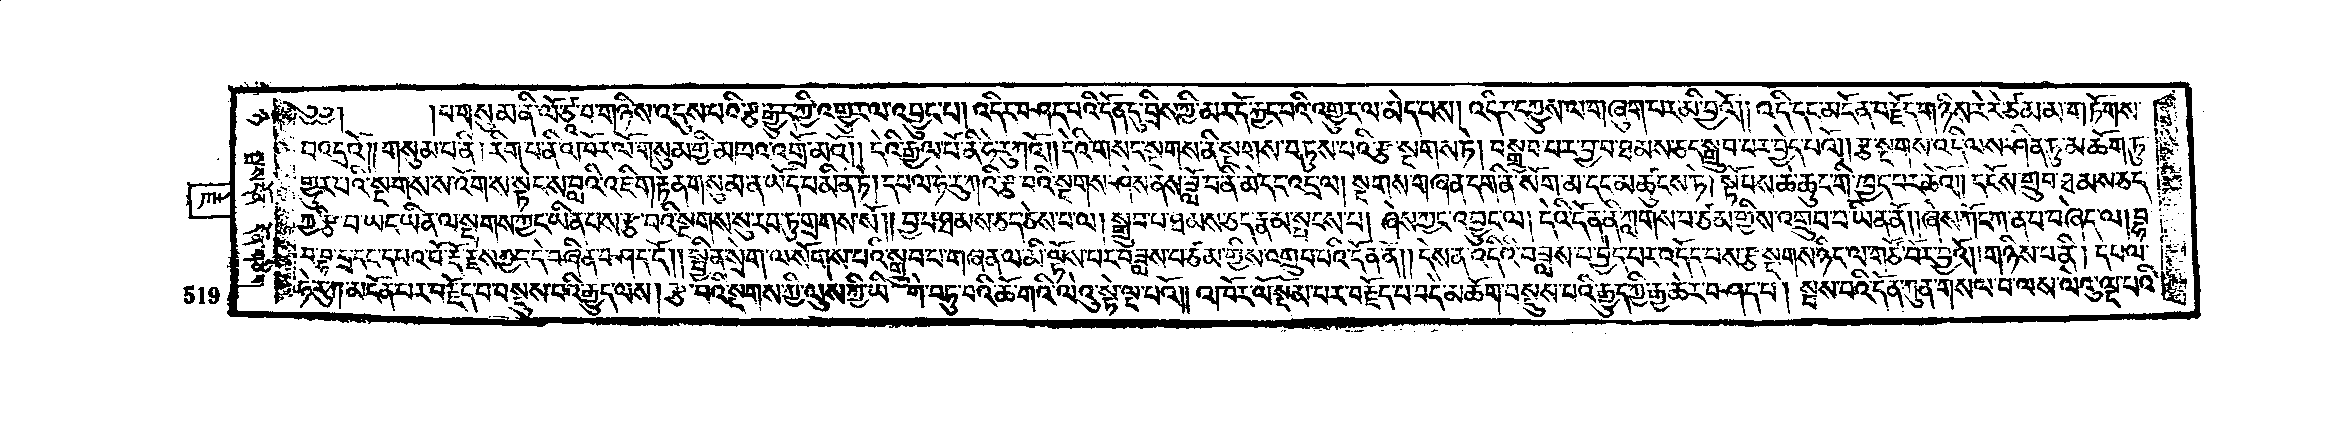༄༅། །པ་གསུམ་ནི་ལོ་ཙཱ་བ་གཉིས་འདུས་པའི་རྩ་རྒྱུད་ཀྱི་འགྱུར་ལ་འབྱུང་པ། འདིར་བཤད་པའི་དོན་དུ་བྲིས་ཀྱི་མར་དོ་རྐྱང་པའི་འགྱུར་ལ་མེད་པས། འདིར་དཀྱུས་ལ་གཞུག་པར་མི་བྱའོ། །འདི་དང་མངོན་བརྗོད་གཉིས་རེ་རེ་ཙམ་མ་གཏོགས་
པ་འདྲའོ། །གསུམ་པ་ནི། རིག་པ་ནི་འཁོར་ལོ་གསུམ་གྱི་མཁའ་འགྲོ་མའོ། །དེའི་རྒྱལ་པོ་ནི་ཧེ་རུ་ཀའོ། །དེའི་གསང་སྔགས་ནི་སྔགས་བཏུས་པའི་རྩ་སྔགས་ཏེ། བསྒྲུབ་པར་བྱ་བ་ཐམས་ཅད་སྒྲུབ་པར་བྱེད་པའོ། །རྩ་སྔགས་འདི་ལས་ཤིན་ཏུ་མཆོག་ཏུ་
གྱུར་པའི་སྔགས་ས་འོག་ས་སྟེང་ས་བླའི་འཇིག་རྟེན་གསུམ་ན་ཡོད་པ་མིན་ཏེ། དཔལ་ཧེ་རུ་ཀའི་རྩ་བའི་སྔགས་ཤེས་ནས་ཟློ་བ་ནི་མེ་དང་འདྲ་ལ། སྔགས་གཞན་དག་ནི་སོག་མ་དང་མཚུངས་ཏེ། སྟོབས་ཆེ་ཆུང་གི་ཁྱད་པར་ཆེའོ། །དངོས་གྲུབ་ཐམས་ཅད་
ཀྱི་རྩ་བ་ཡང་ཡིན་ལ་སྔགས་ཀྱང་ཡིན་པས་རྩ་བའི་སྔགས་སུ་རབ་ཏུ་གྲགས་སོ། །བྱ་བ་ཐམས་ཅད་ཅེས་པ་ལ། སྒྲུབ་པ་ཐམས་ཅད་རྣམ་སྤངས་པ། ཞེས་ཀྱང་འབྱུང་ལ། དེའི་དོན་ནི་ཀླགས་པ་ཙམ་གྱིས་འགྲུབ་པ་ཡིན་ནོ། །ཞེས་ཀོང་ཀ་ན་པ་བཞེད་ལ། བྷ་
བ་བྷ་དྲ་དང་དཔའ་བོ་རྡོ་རྗེས་ཀྱང་དེ་བཞིན་བཤད་དེ། །སྦྱིན་སྲེག་ལ་སོགས་པའི་སྒྲུབ་པ་གཞན་ལ་མི་ལྟོས་པར་བཟླས་པ་ཙམ་གྱིས་འགྲུབ་པའི་དོན་ནོ། །དེས་ན་འདིའི་བཟླས་པ་བྱེད་པར་འདོད་པས་རྩ་སྔགས་ཉིད་ལ་གཙོ་བོར་བྱའོ། །གཉིས་པ་ནི། དཔལ་
ཧེ་རུ་ཀ་མངོན་པར་བརྗོད་པ་བསྡུས་པའི་རྒྱུད་ལས། རྩ་བའི་སྔགས་ཀྱི་ལུས་ཀྱི་ཡི་གེ་བཏུ་བའི་ཆོ་གའི་ལེའུ་སྟེ་ལྔ་པའོ། །འཁོར་ལོ་སྡོམ་པར་བརྗོད་པ་བདེ་མཆོག་བསྡུས་པའི་རྒྱུད་ཀྱི་རྒྱ་ཆེར་བཤད་པ། སྦས་པའི་དོན་ཀུན་གསལ་བ་ལས་ལེའུ་ལྔ་པའི་